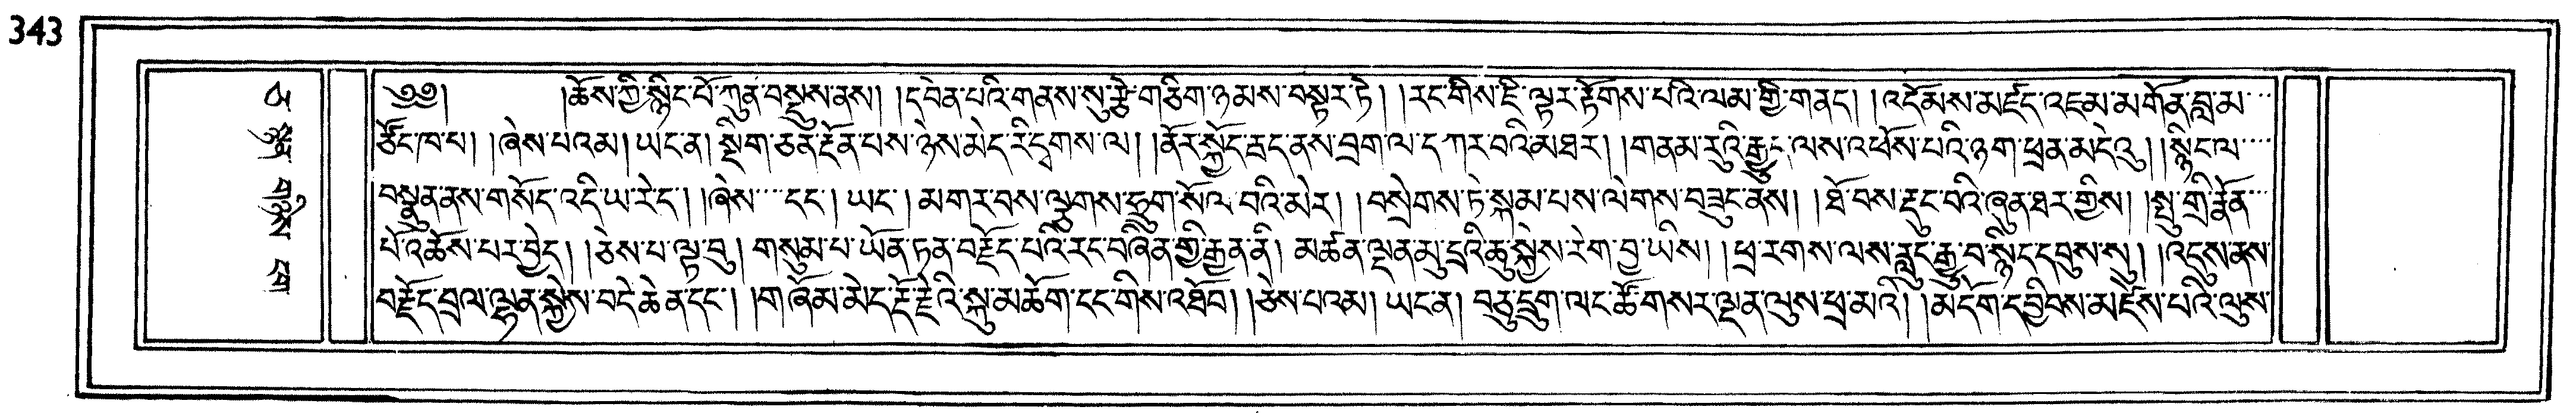༄༅། །ཆོས་ཀྱི་སྙིང་པོ་ཀུན་བསྡུས་ནས། །དབེན་པའི་གནས་སུ་རྩེ་གཅིག་ཉམས་བསྟར་ཏེ། །རང་གིས་ཇི་ལྟར་རྟོགས་པའི་ལམ་གྱི་གནང་། །འདོམས་མཛད་འཇམ་མགོན་བླ་མ་
ཙོང་ཁ་པ། །ཞེས་པའམ། ཡང་ན། སྡིག་ཅན་རྔོན་པས་ཉེས་མེད་རི་དྭགས་ལ། །ནོར་སྐྱོད་རྦད་ནས་བྲག་ལ་དཀར་བའི་མཐར། །གནམ་རུའི་རྒྱུད་ལས་འཕོས་པའི་ཉག་ཕྲན་མདེའུ། །སྙིང་ལ་
བསྣུན་ནས་གསོད་འདི་ཡ་རེད། །ཞེས་་་་དང་། ཡང་། མགར་བས་ལྕགས་ཧྲུག་སོལ་བའི་མེར། །བསྲེགས་ཏེ་སྐམ་པས་ལེགས་བཟུང་ནས། །ཐོ་བས་རྡུང་བའི་ཞུན་ཐར་གྱིས། །སྤུ་གྲི་རྣོན་
པོ་འཆོས་པར་བྱེད། །ཅེས་པ་ལྟ་བུ། གསུམ་པ་ཡོན་ཏན་བརྗོད་པའི་རང་བཞིན་གྱི་རྒྱན་ནི། མཚན་ལྡན་མུ་དྲའི་ཆུ་སྐྱེས་རེག་བྱ་ཡིས། །ཕྲ་རགས་ལས་རླུང་རྒྱུ་བ་སྙིང་དབུས་སུ། །འདུས་ནས་
བརྗོད་བྲལ་ལྷན་སྐྱེས་བདེ་ཆེན་དང་། །གཞོམ་མེད་རྡོ་རྗེའི་སྐུ་མཆོག་ངང་གིས་འཐོབ། །ཅེས་པའམ། ཡང་ན། བཅུ་དྲུག་ལང་ཚོ་གསར་ལྡན་ལུས་ཕྲ་མའི། །མདོག་དབྱིབས་མཛེས་པའི་ལུས་